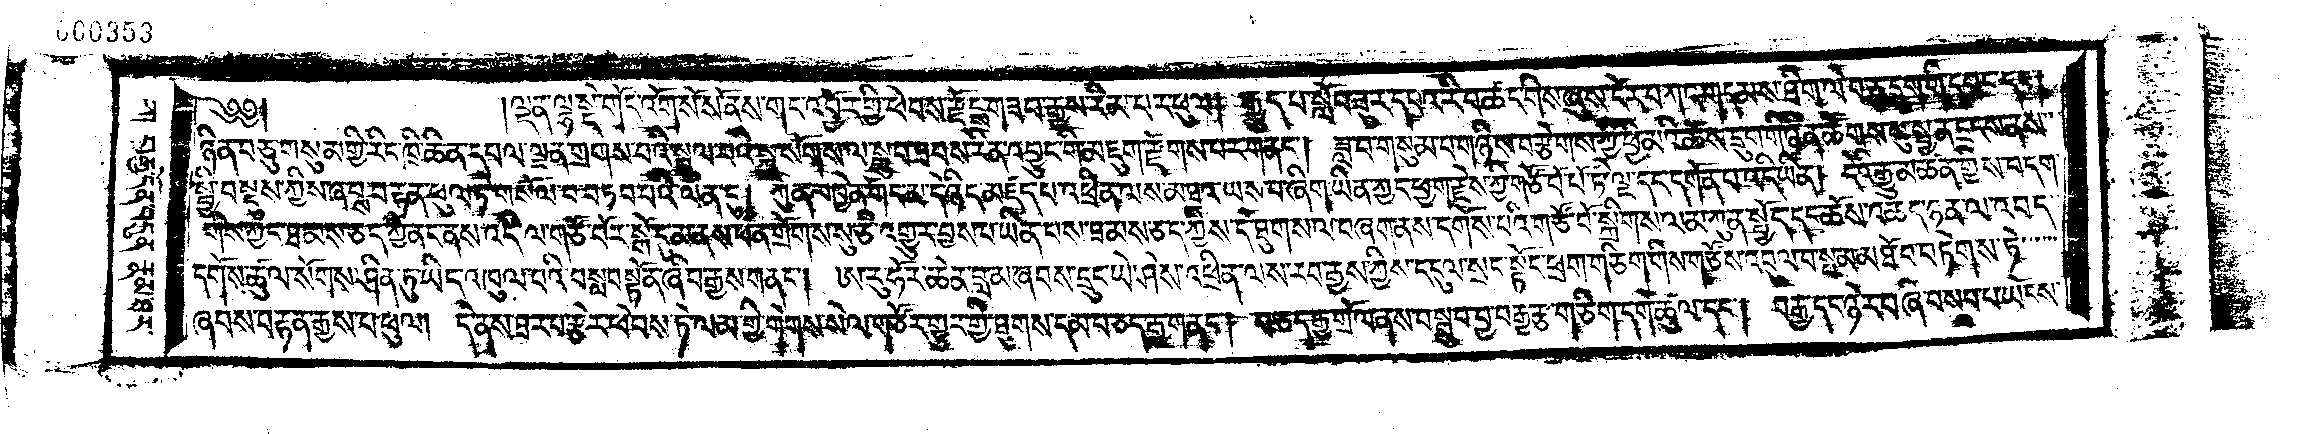༄༅། །ལྡན་ལྷ་སྡེ་གོང་འོག་སོ་སོ་ནས་གང་འབྱོར་གྱི་ཕེབས་རྫོངས་གཟབ་རྒྱས་རིམ་པར་ཕུལ། རྒྱུད་པ་སློབ་ཟུར་དཔའ་རི་བ་ཚང་གིས་ཞུས་ངོར་བཀའ་གདམས་ཐིག་ལེ་བཅུ་དྲུག་གི་དབང་དང་།
ཉིན་བཅུ་གསུམ་གྱི་རིང་ཁྲི་ཆེན་དཔལ་ལྡན་གྲགས་པའི་སྤྲུལ་པའི་སྐུ་སོགས་ལ་སྒྲུབ་ཐབས་རིན་འབྱུང་གི་མཇུག་རྫོགས་པར་གནང་། ཟླ་བ་གསུམ་པ་གཉིས་བརྩེགས་ཀྱི་ཕྱི་མའི་ཚེས་དྲུག་གི་ཉིན་ཚོགས་སུ་སྤྱན་དྲངས་ནས་
སྤྱི་བསྡུས་ཀྱིས་ཞབས་བརྟན་ཕུལ་ཏེ་གསོལ་བ་བཏབ་པའི་ལན་དུ། ཀུན་མཁྱེན་གོང་མ་དེ་ཉིད་མཛད་པ་འཕྲིན་ལས་མཐའ་ཡས་བ་ཞིག་ཡིན་ཀྱང་ཕྱག་རྗེས་ཀྱི་གཙོ་བོ་པོ་ཏི་ལྔ་དང་དགོན་པ་འདི་ཡིན། དེའི་རྒྱུ་མཚན་གྱིས་བདག་
གིས་ཀྱང་ཐམས་ཅད་ཀྱི་ནང་ནས་འདི་ལ་གཙོ་བོར་སྒོ་དུ་མ་ནས་ཕན་གྲོགས་སུ་ཅི་འགྱུར་བྱས་པ་ཡིན་པས་ཐམས་ཅད་ཀྱིས་དེ་ཐུགས་ལ་བཞག་ནས་དགོས་པའི་གཙོ་བོ་སྒྲིགས་ལམ་ཀུན་སྤྱོད་དང་ཆོས་འཆད་ཉན་ལ་འབད་
དགོས་ཚུལ་སོགས་ཤིན་ཏུ་ཡིང་འཁུལ་བའི་བསླབ་སྟོན་ཞིབ་རྒྱས་གནང་། ཨ་རུ་ཧོར་ཆེན་བླ་མ་ཞབས་དྲུང་ཡེ་ཤེས་འཕྲིན་ལས་རབ་རྒྱས་ཀྱིས་དངུལ་སྲང་སྟོང་ཕྲག་གཅིག་གིས་གཙོས་འབུལ་བ་སྤམ་མཐོབ་བཏེགས་ཏེ་
ཞབས་བརྟན་རྒྱས་པ་ཕུལ། དེ་ནས་ཐར་བརྩེར་ཕེབས་ཏེ་ལམ་གྱི་གེགས་སེལ་གཙོར་གྱུར་གྱི་ཐུགས་དམ་བཅད་རྒྱ་གནང་། བཅད་རྒྱ་གྲོལ་ནས་བསྒྲུབ་བྱ་བརྒྱ་རྩ་གཅིག་དགེ་ཚུལ་དང་། བརྒྱ་དང་ཉེར་བཞི་བསབ་པ་ཡོངས་